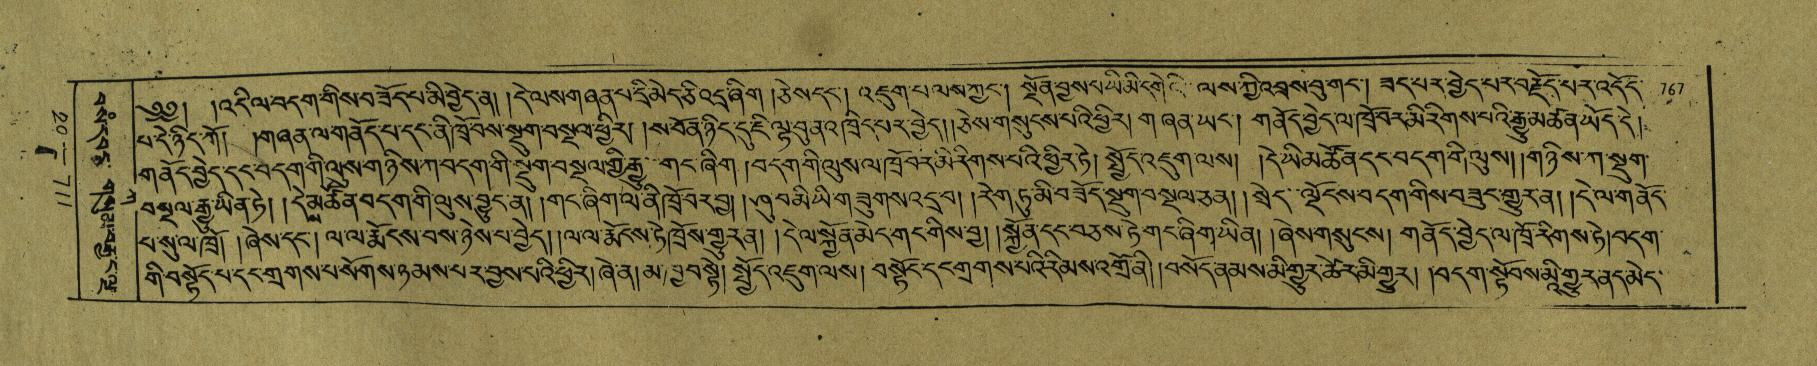༄༅། །འདི་ལ་བདག་གིས་བཟོད་པ་མི་བྱེད་ན། །དེ་ལས་གཞན་པ་དྲི་མེད་ཅི་འདྲ་ཞིག །ཅེས་དང་། འཇུག་པ་ལས་ཀྱང་། སྔོན་བྱས་པ་ཡི་མི་དགེའི་ལས་ཀྱི་འབྲས་བུ་གང་། ཟད་པར་བྱེད་པར་བརྗོད་པར་འདོད་
པ་དེ་ཉིད་གོ། །གཞན་ལ་གནོད་པ་དང་ནི་ཁྲོ་བས་སྡུག་བསྔལ་ཕྱིར། །ས་བོན་ཉིད་དུ་ཇི་ལྟ་བུ་ན་འཁྲིད་པར་བྱེད། །ཅེས་གསུངས་པའི་ཕྱིར། །གཞན་ཡང་། གནོད་བྱེད་ལ་ཁྲོ་བར་མི་རིགས་པའི་རྒྱུ་མཚན་ཡོད་དེ།
གནོད་བྱེད་དང་བདག་གི་ལུས་གཉིས་ཀ་བདག་གི་སྡུག་བསྔལ་གྱི་རྒྱུ་གང་ཞིག །བདག་གི་ལུས་ལ་ཁྲོ་བར་མི་རིགས་པའི་ཕྱིར་ཏེ། སྤྱོད་འཇུག་ལས། །དེ་ཡི་མཚོན་དང་བདག་གི་ལུས། །གཉིས་ཀ་སྡུག་
བསྔལ་རྒྱུ་ཡིན་ཏེ། །དེས་མཚོན་བདག་གི་ལུས་བྱུང་ན། །གང་ཞིག་ལ་ནི་ཁྲོ་བར་བྱ། །ཤུ་བ་མི་ཡི་གཟུགས་འདྲ་བ། །རེག་ཏུ་མི་བཟོད་སྡུག་བསྔལ་ཅན། །སྲེད་ལྡོངས་བདག་གིས་བཟུང་གྱུར་ན། །དེ་ལ་གནོད་
པ་སུ་ལ་ཁྲོ། །ཞེས་དང་། ལ་ལ་རྨོངས་བས་ཉེས་པ་བྱེད། །ལ་ལ་རྨོངས་ཏེ་ཁྲོས་གྱུར་ན། །དེ་ལ་སྐྱོན་མེད་གང་གིས་བྱ། །སྐྱོན་དང་བཅས་ཏེ་གང་ཞིག་ཡིན། །ཞེས་གསུངས། གནོད་བྱེད་ལ་ཁྲོ་རིགས་ཏེ། བདག་
གི་བསྟོད་པ་དང་གྲགས་པ་སོགས་ཉམས་པར་བྱས་པའི་ཕྱིར། ཞེ་ན། མ་ཁྱབ་སྟེ། སྤྱོད་འཇུག་ལས། བསྟོང་དང་གྲགས་པའི་རིམས་འགྲོ་ནི། །བསོད་ནམས་མི་གྱུར་ཚེར་མི་གྱུར། །བདག་སྟོབས་མིའ་གྱུར་ནད་མེད་